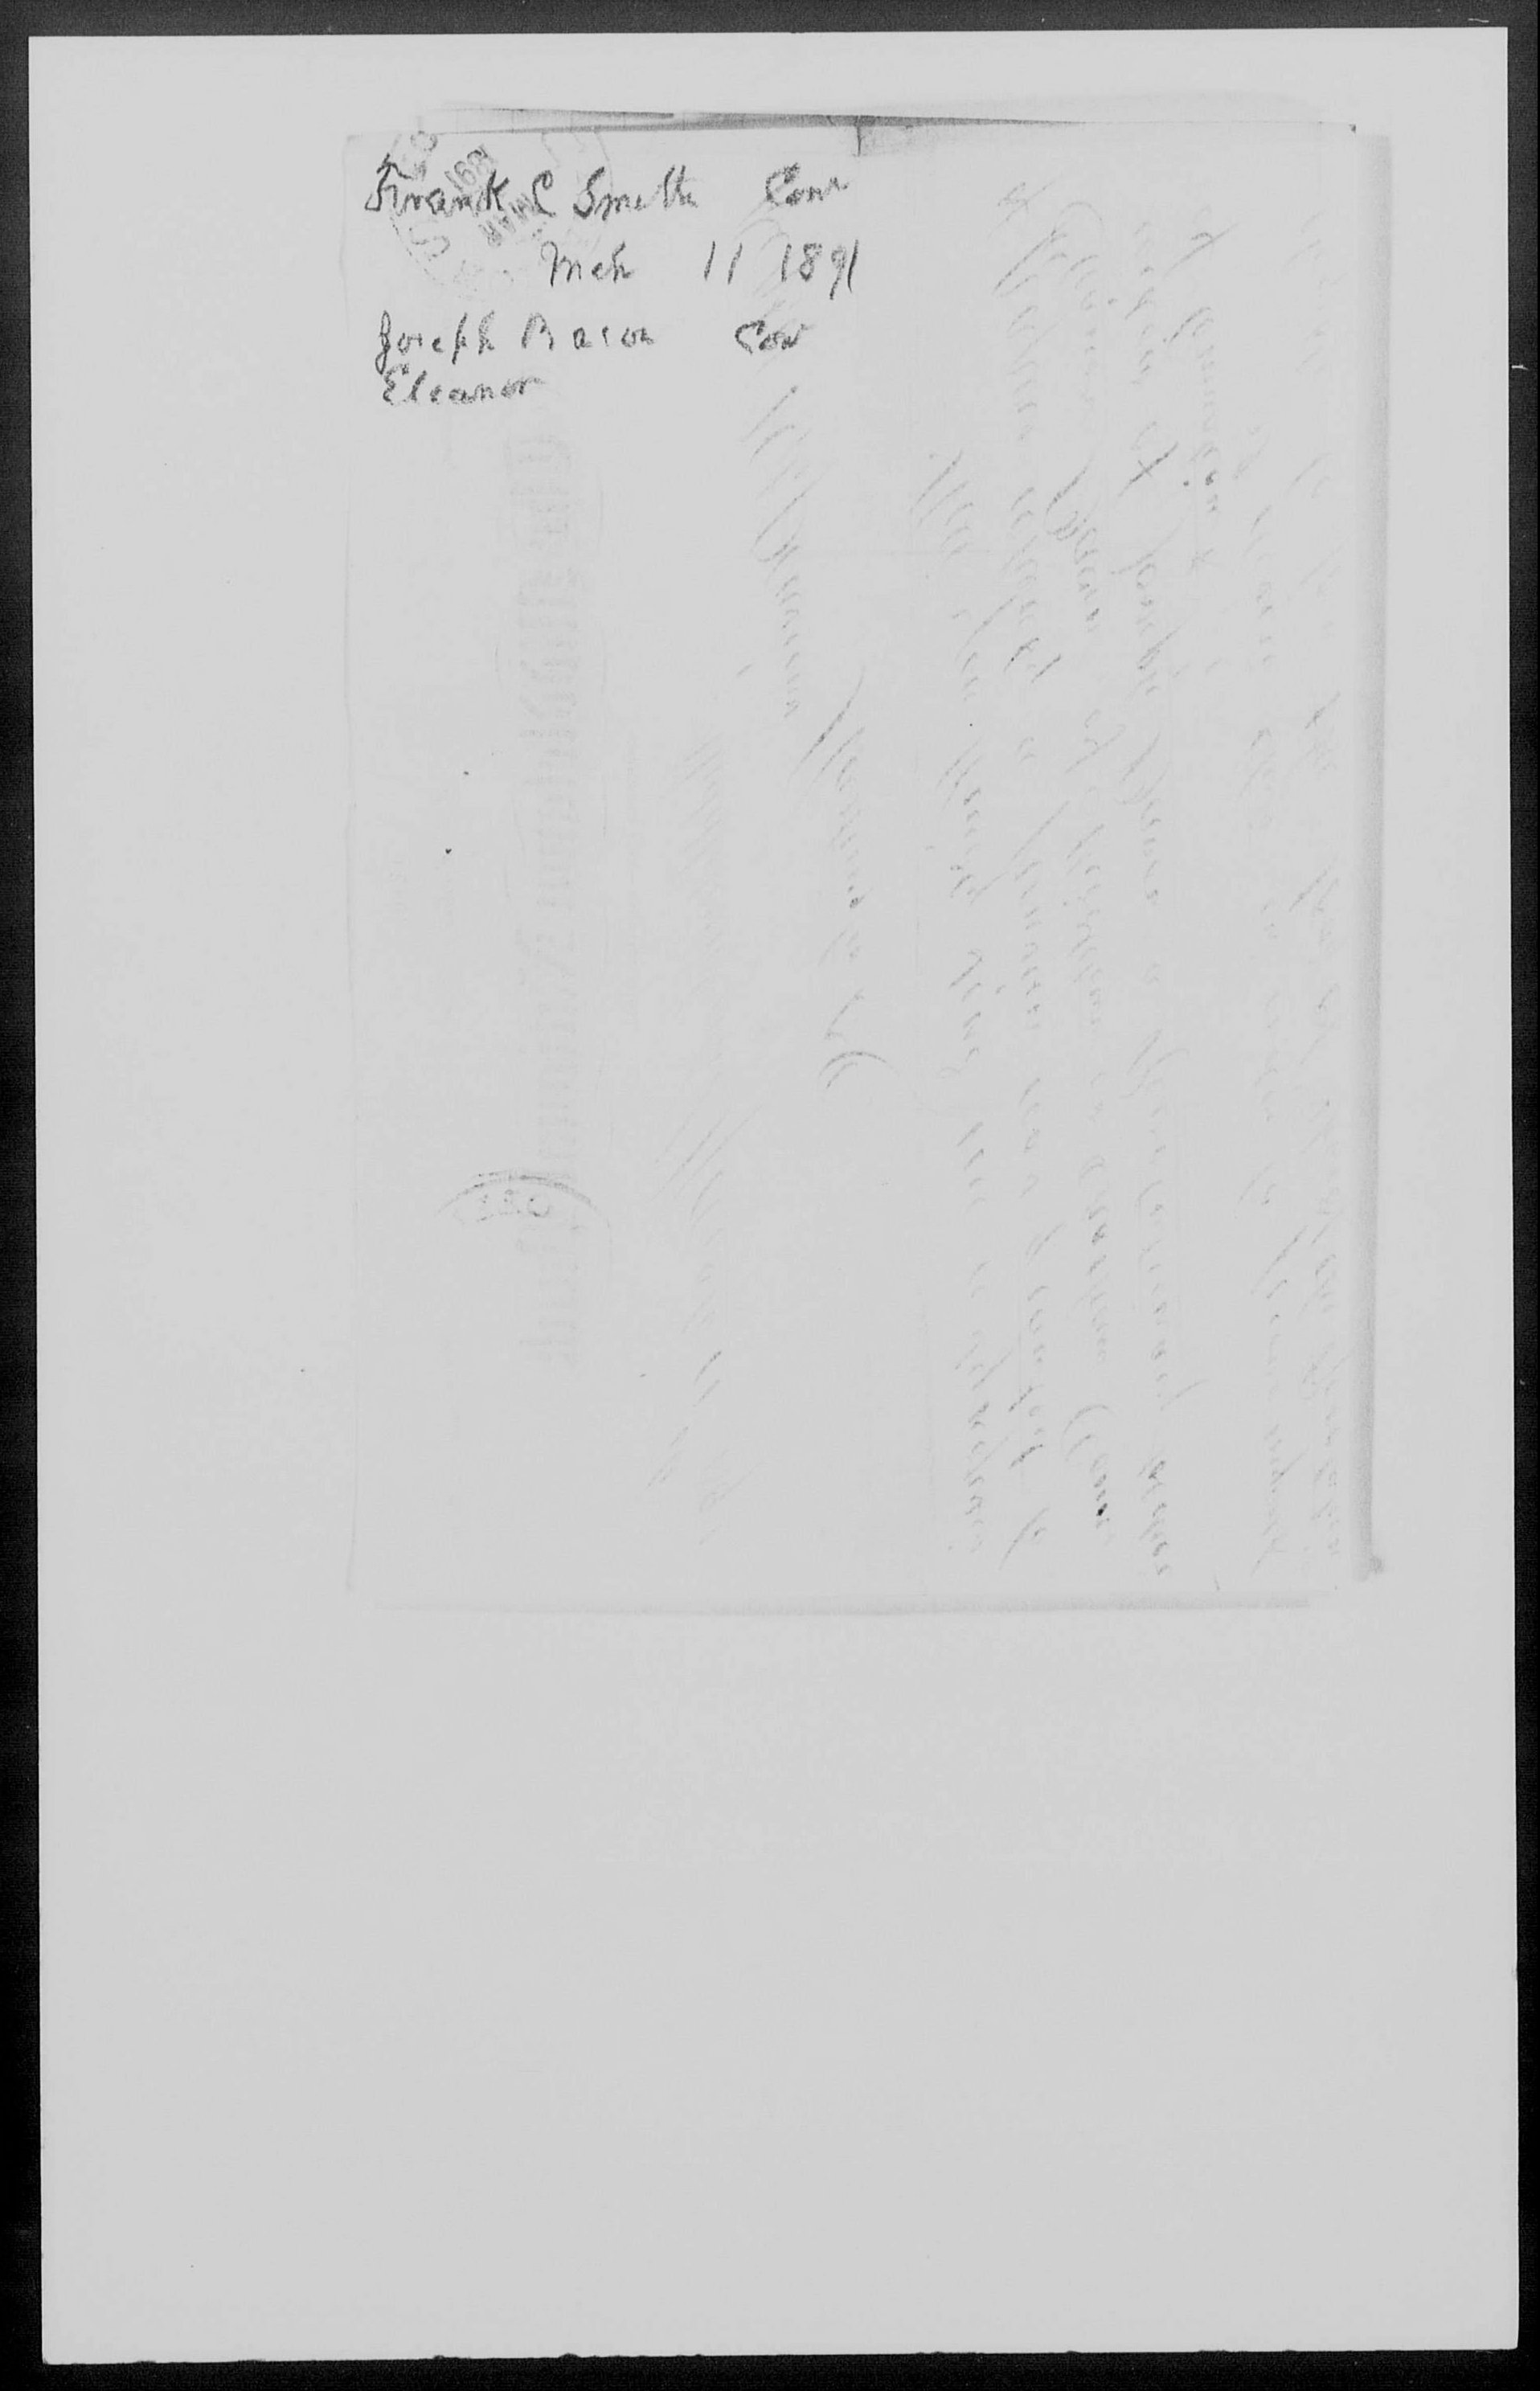Frank C. Smith    Conn.
March 11, 1891

Joseph Bacon    Conn. 
Eleanor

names: Eleanor, Frank C Smith, Joseph Bacon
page: 21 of 24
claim: widow's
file: W. 25190, Joseph Bacon, Continental (Conn)